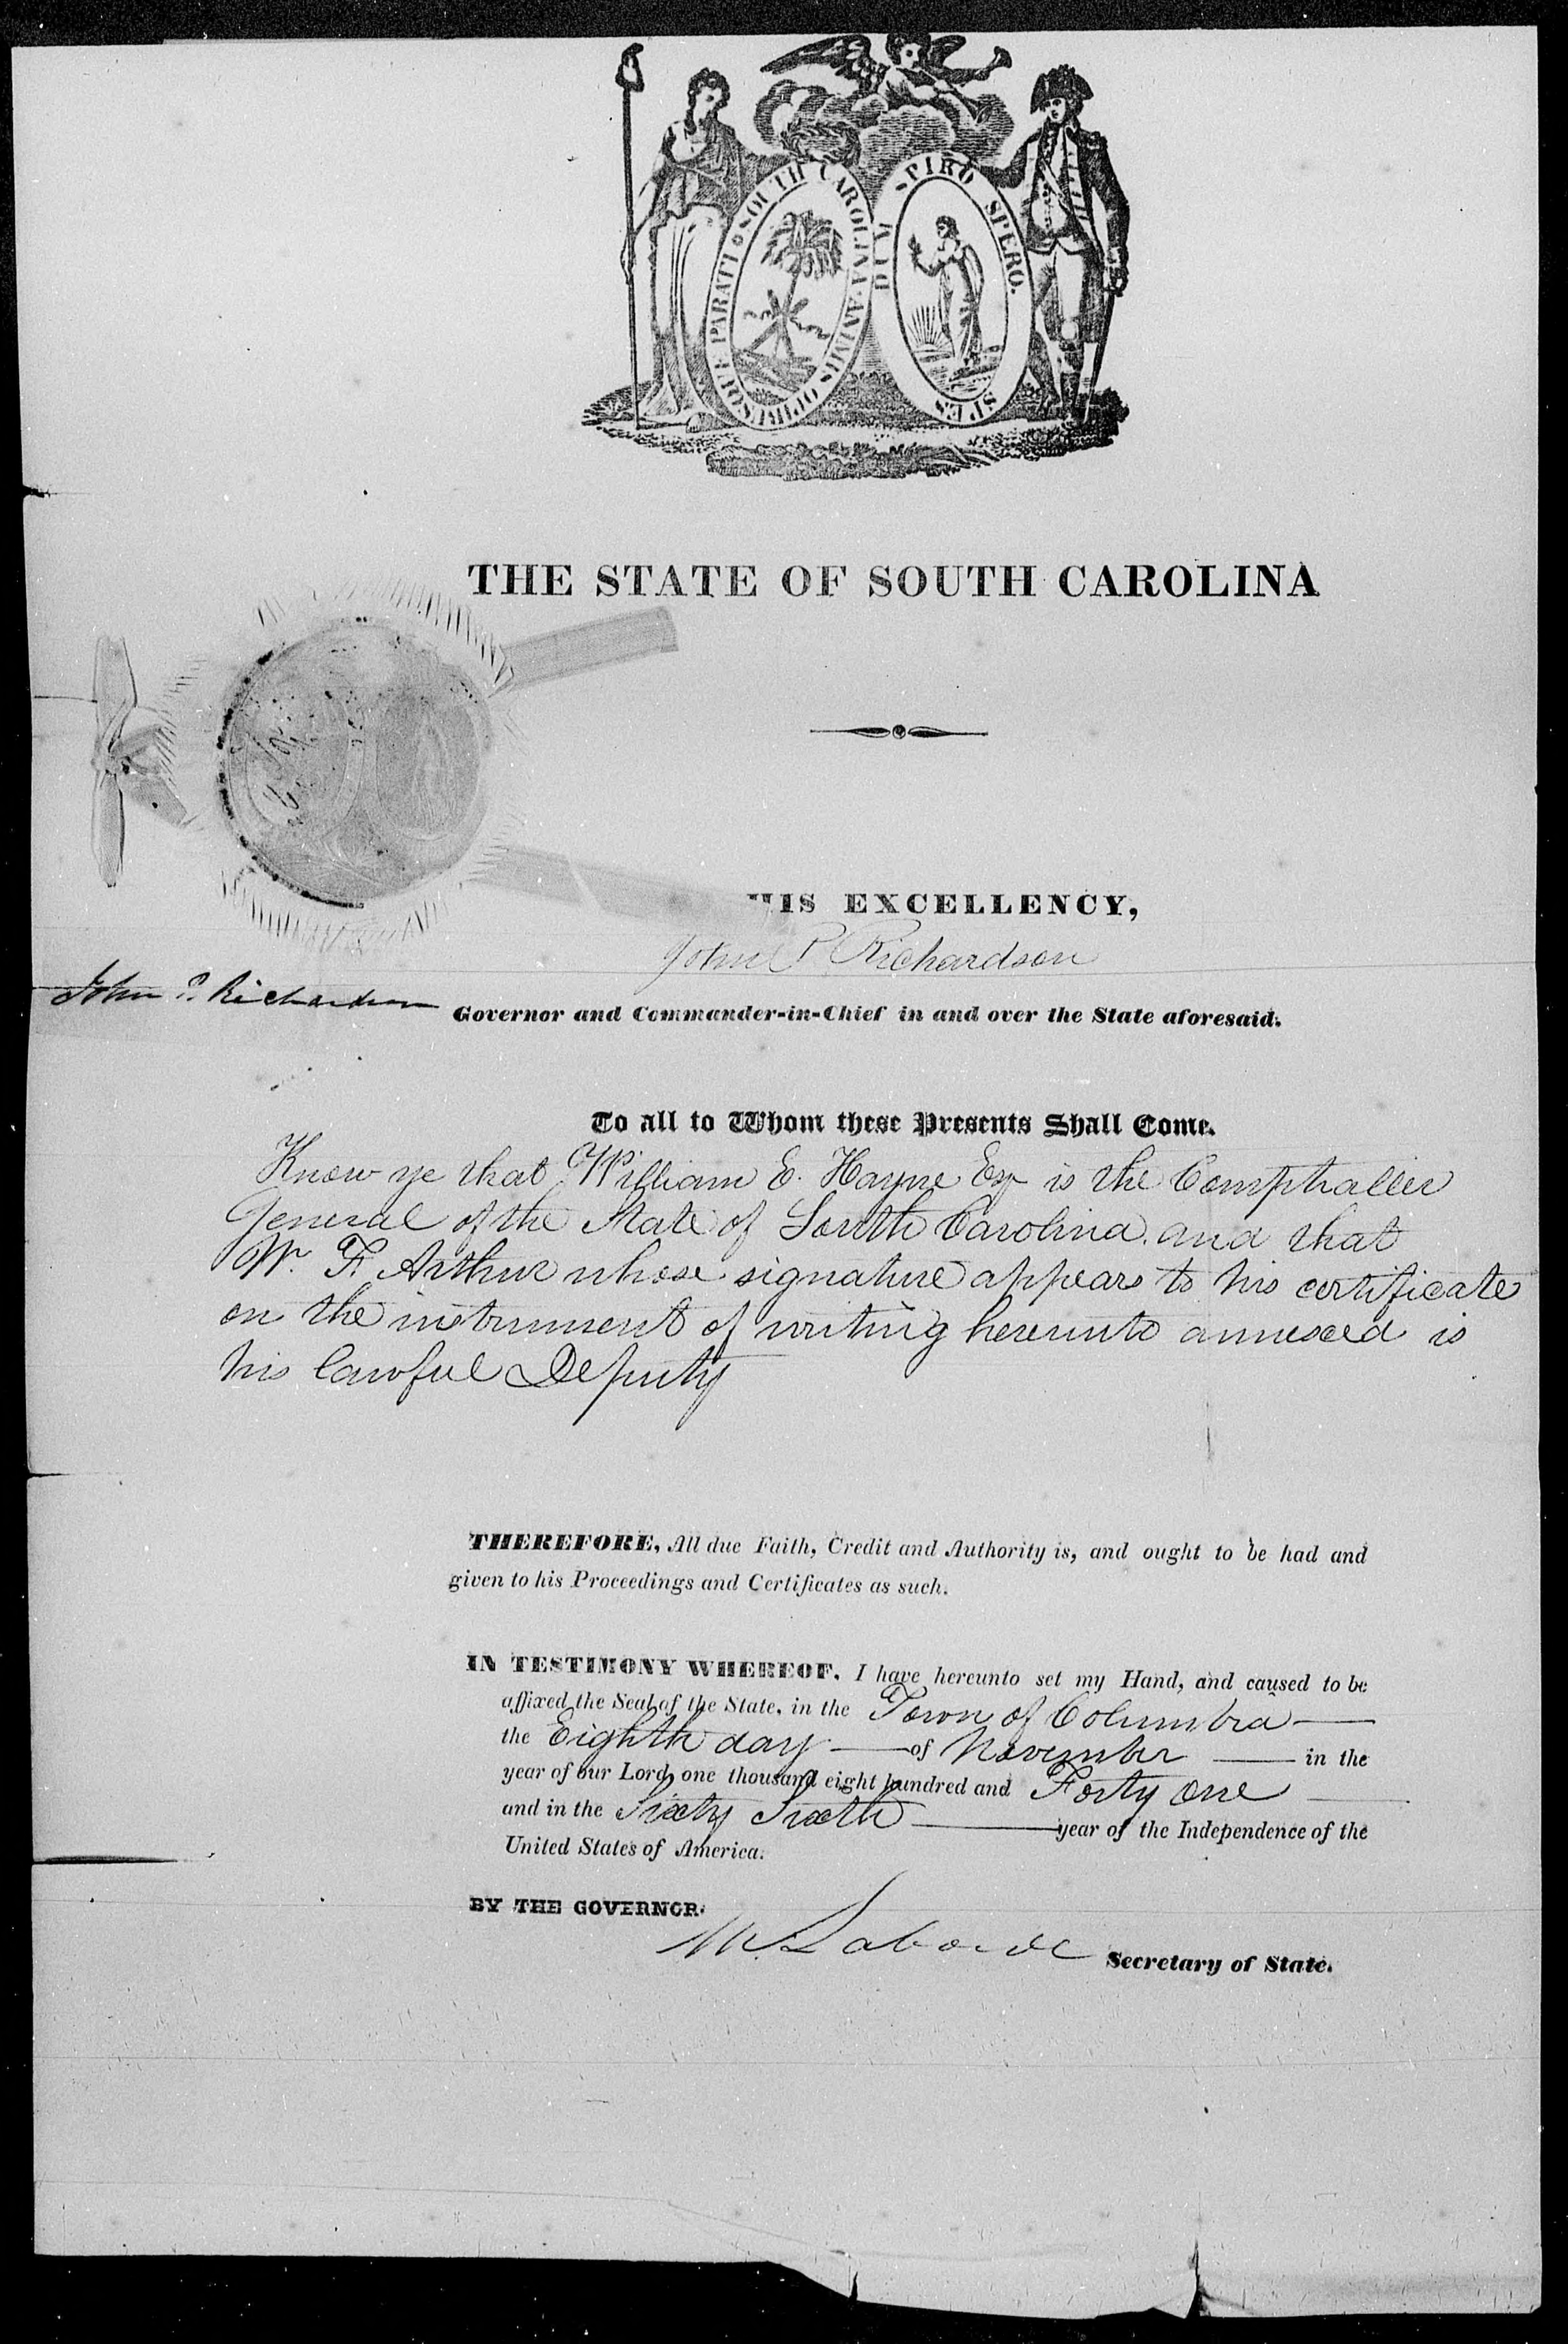THE STATE OF SOUTH CAROLINA 
HIS EXCELLENCY, John P. Richardson John Richardson Governor and Commander-in-Chief in and over the State aforesaid. 
To all to Whom these Presents Shall Come. Know ye that William E. Hayne Eq. is the Comptroller General of the State of South Carolina, and that W. F. Arthur whose signature appears to his certificate on the instrument of writing hereunto annexed is his lawful Deputy THEREFORE, All due Faith, Credit and Authority is, and ought to be had and given to his proceedings and Certificates as such. 
IN TESTIMONY WHEREOF, I have hereunto set my Hand, and caused to be affixed the Seal of the State, in the Town of Columbia the Eighth day of November --- in the year of our Lord one thousand eight hundred and Forty one and in the Sixty Sixth year of the independence of the United States of America. 
BY THE GOVERNOR [signature illegible] Secretary of State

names: W Laborde, William E Hayne, W F Arthur, John P Richardson, John P Richardson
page: 28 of 31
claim: widow's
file: W. 8668, John Dick, S C